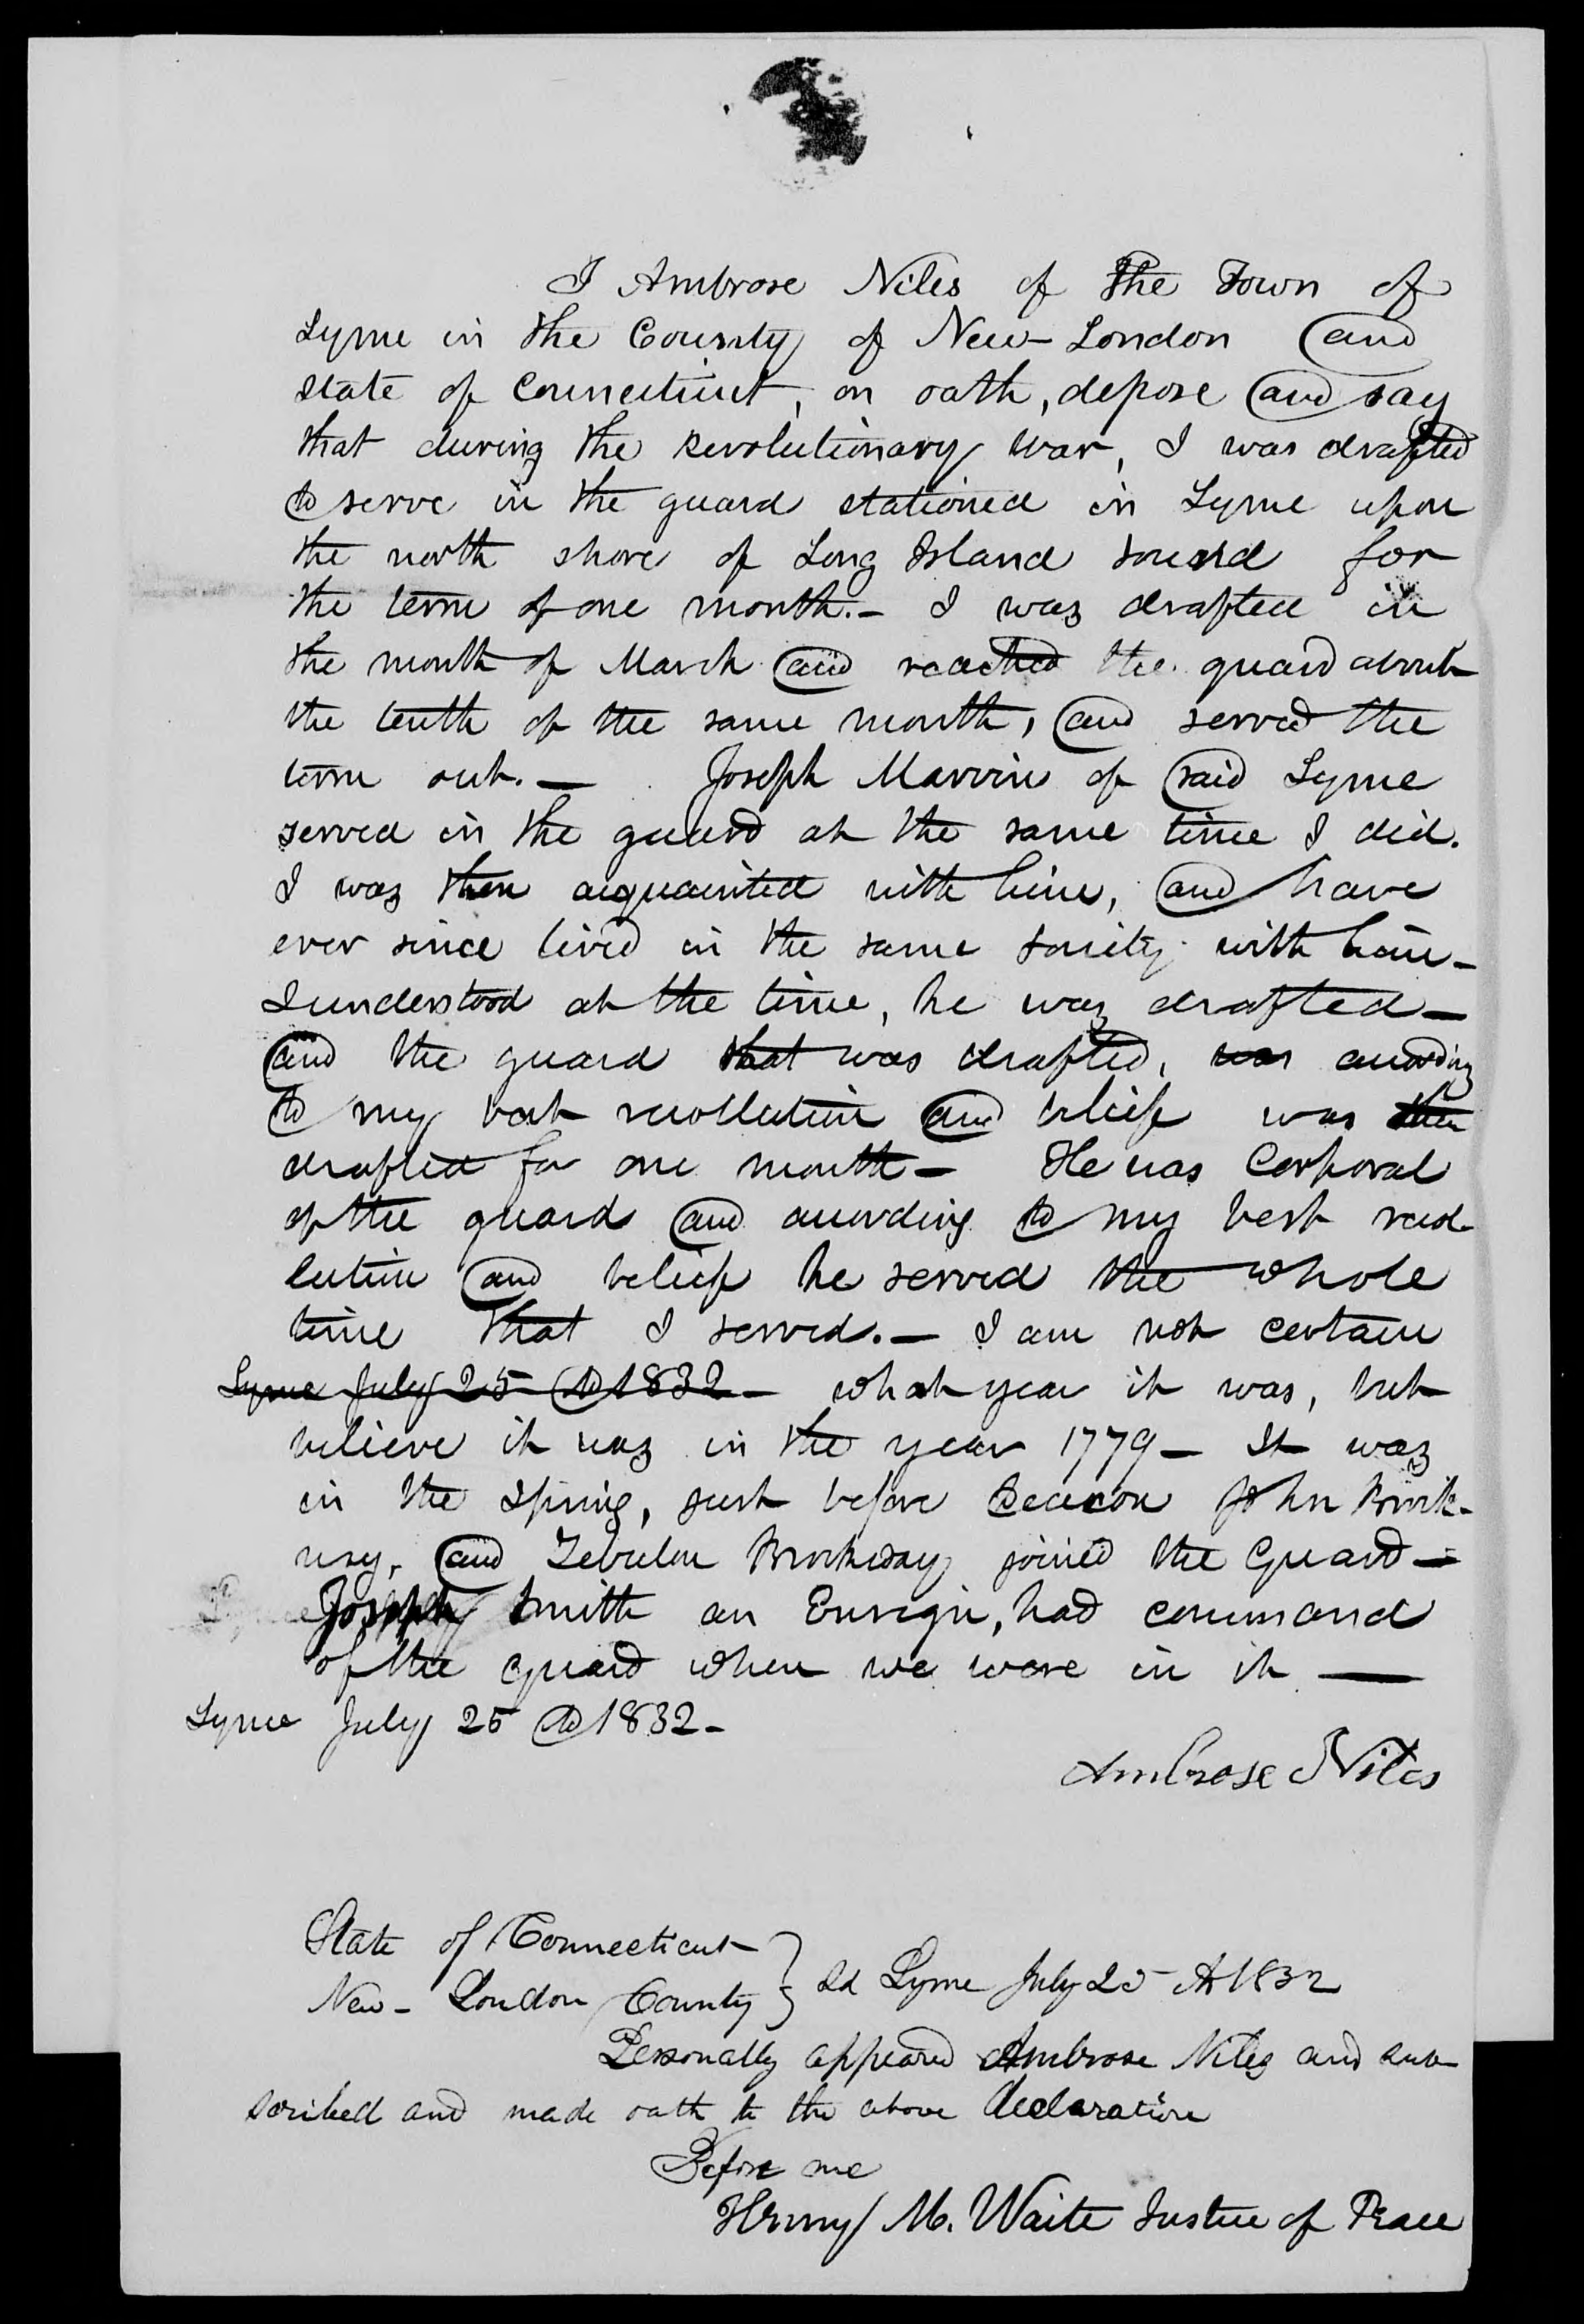I Ambrose Niles of the Town of Lyme in the County of New London and State of Connecticut on oath depose and say that during the revolutionary war, I was drafted to serve in the guard stationed in same upon the north shore of Long Island sound for the term of one month. I was drafted in the month of March and reached the guard about the tenth of the same month, and served the term out.  Joseph Marvin of said Lyme served in the guard at the same time I did.  I was then acquainted with him, and have ever since lived in the same county with him, understood at the time, he was drafted and the guard was drafted, according my best recollection and belief drafted for one month.  He was Corporal of the guard and according to my best recollection and time belief he served the whole that I served - I am not certain what year it was, but believe it was in the year 1779.  It was in the spring, just before Deacon John Brockway, and Zebulon Brockway joined the guard. Joseph Smith an Ensign, had command of the guard when we were in service.
July 25 AD 1832- Ambrose Niles  
State of Connecticut  
New London County} ss of Lyme July 25 AD 1832 Personally appeared Ambrose Niles and subscribed and made oath to the above declaration Before me 
Henry M. Waite Justice of Peace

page: 11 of 20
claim: survivor's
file: S. 15,516, for Joseph Marvin, Connecticut